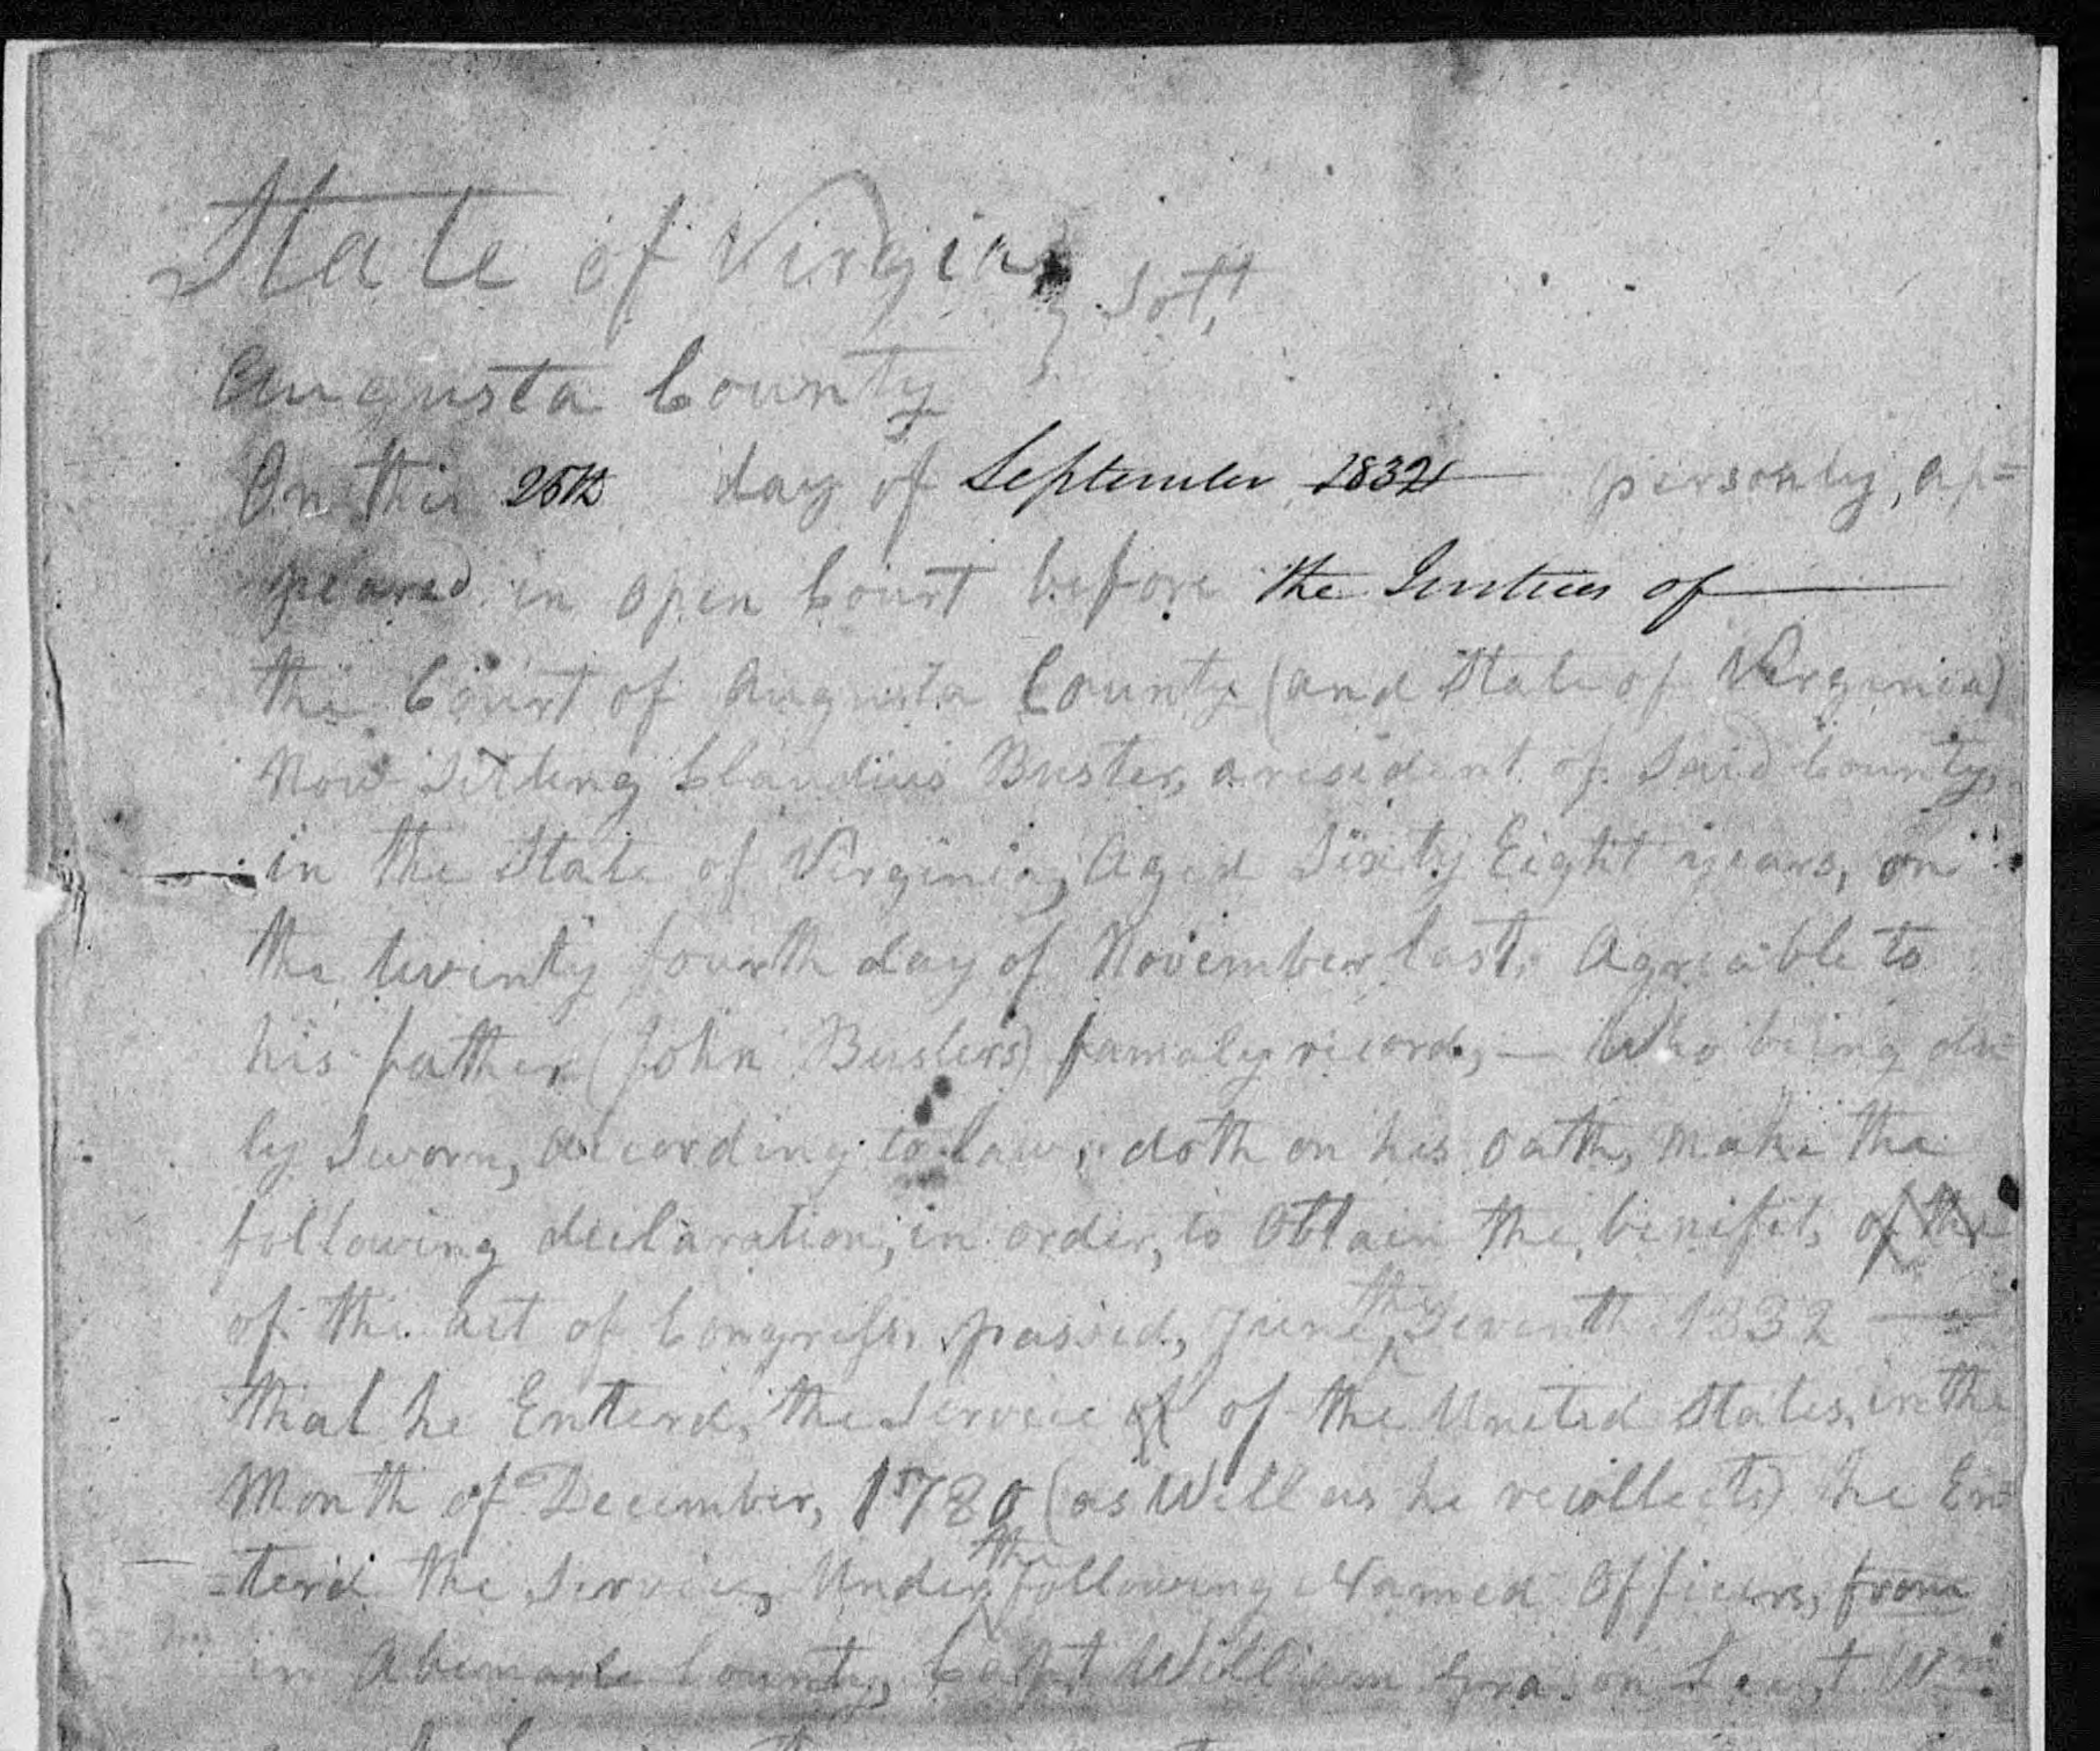State of Virginia Augusta County} Sct

On this 25th day of September 1832 personly(sic) appeared in open Court before the Justices of the Court of Augusta County (and State of Virginia) now sitting Claudius Buster, a resident of said County in the State of Virginia, aged sixty eight years, on the twenty fourth day of November last Agreable(sic) to his father (John Busters) famaly(sic) record,_ Who being duly sworn, according to law, doth on his oath, make the following declaration, in order, to obtain the benifit(sic) of the act of Congress passed, June ^the seventh 1832_ that he enterd(sic) the service of the Inited States, in the month of December, 1780 (as well as he recollects) he entered the service under ^the following named Officers, in Abimarl(sic) County, Capt William Grason(sic) Lieut Wm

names: William Grason, John Buster, Claudius Buster, Wm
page: 5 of 71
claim: widow's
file: W. 25310, Claudius Buster, Va.